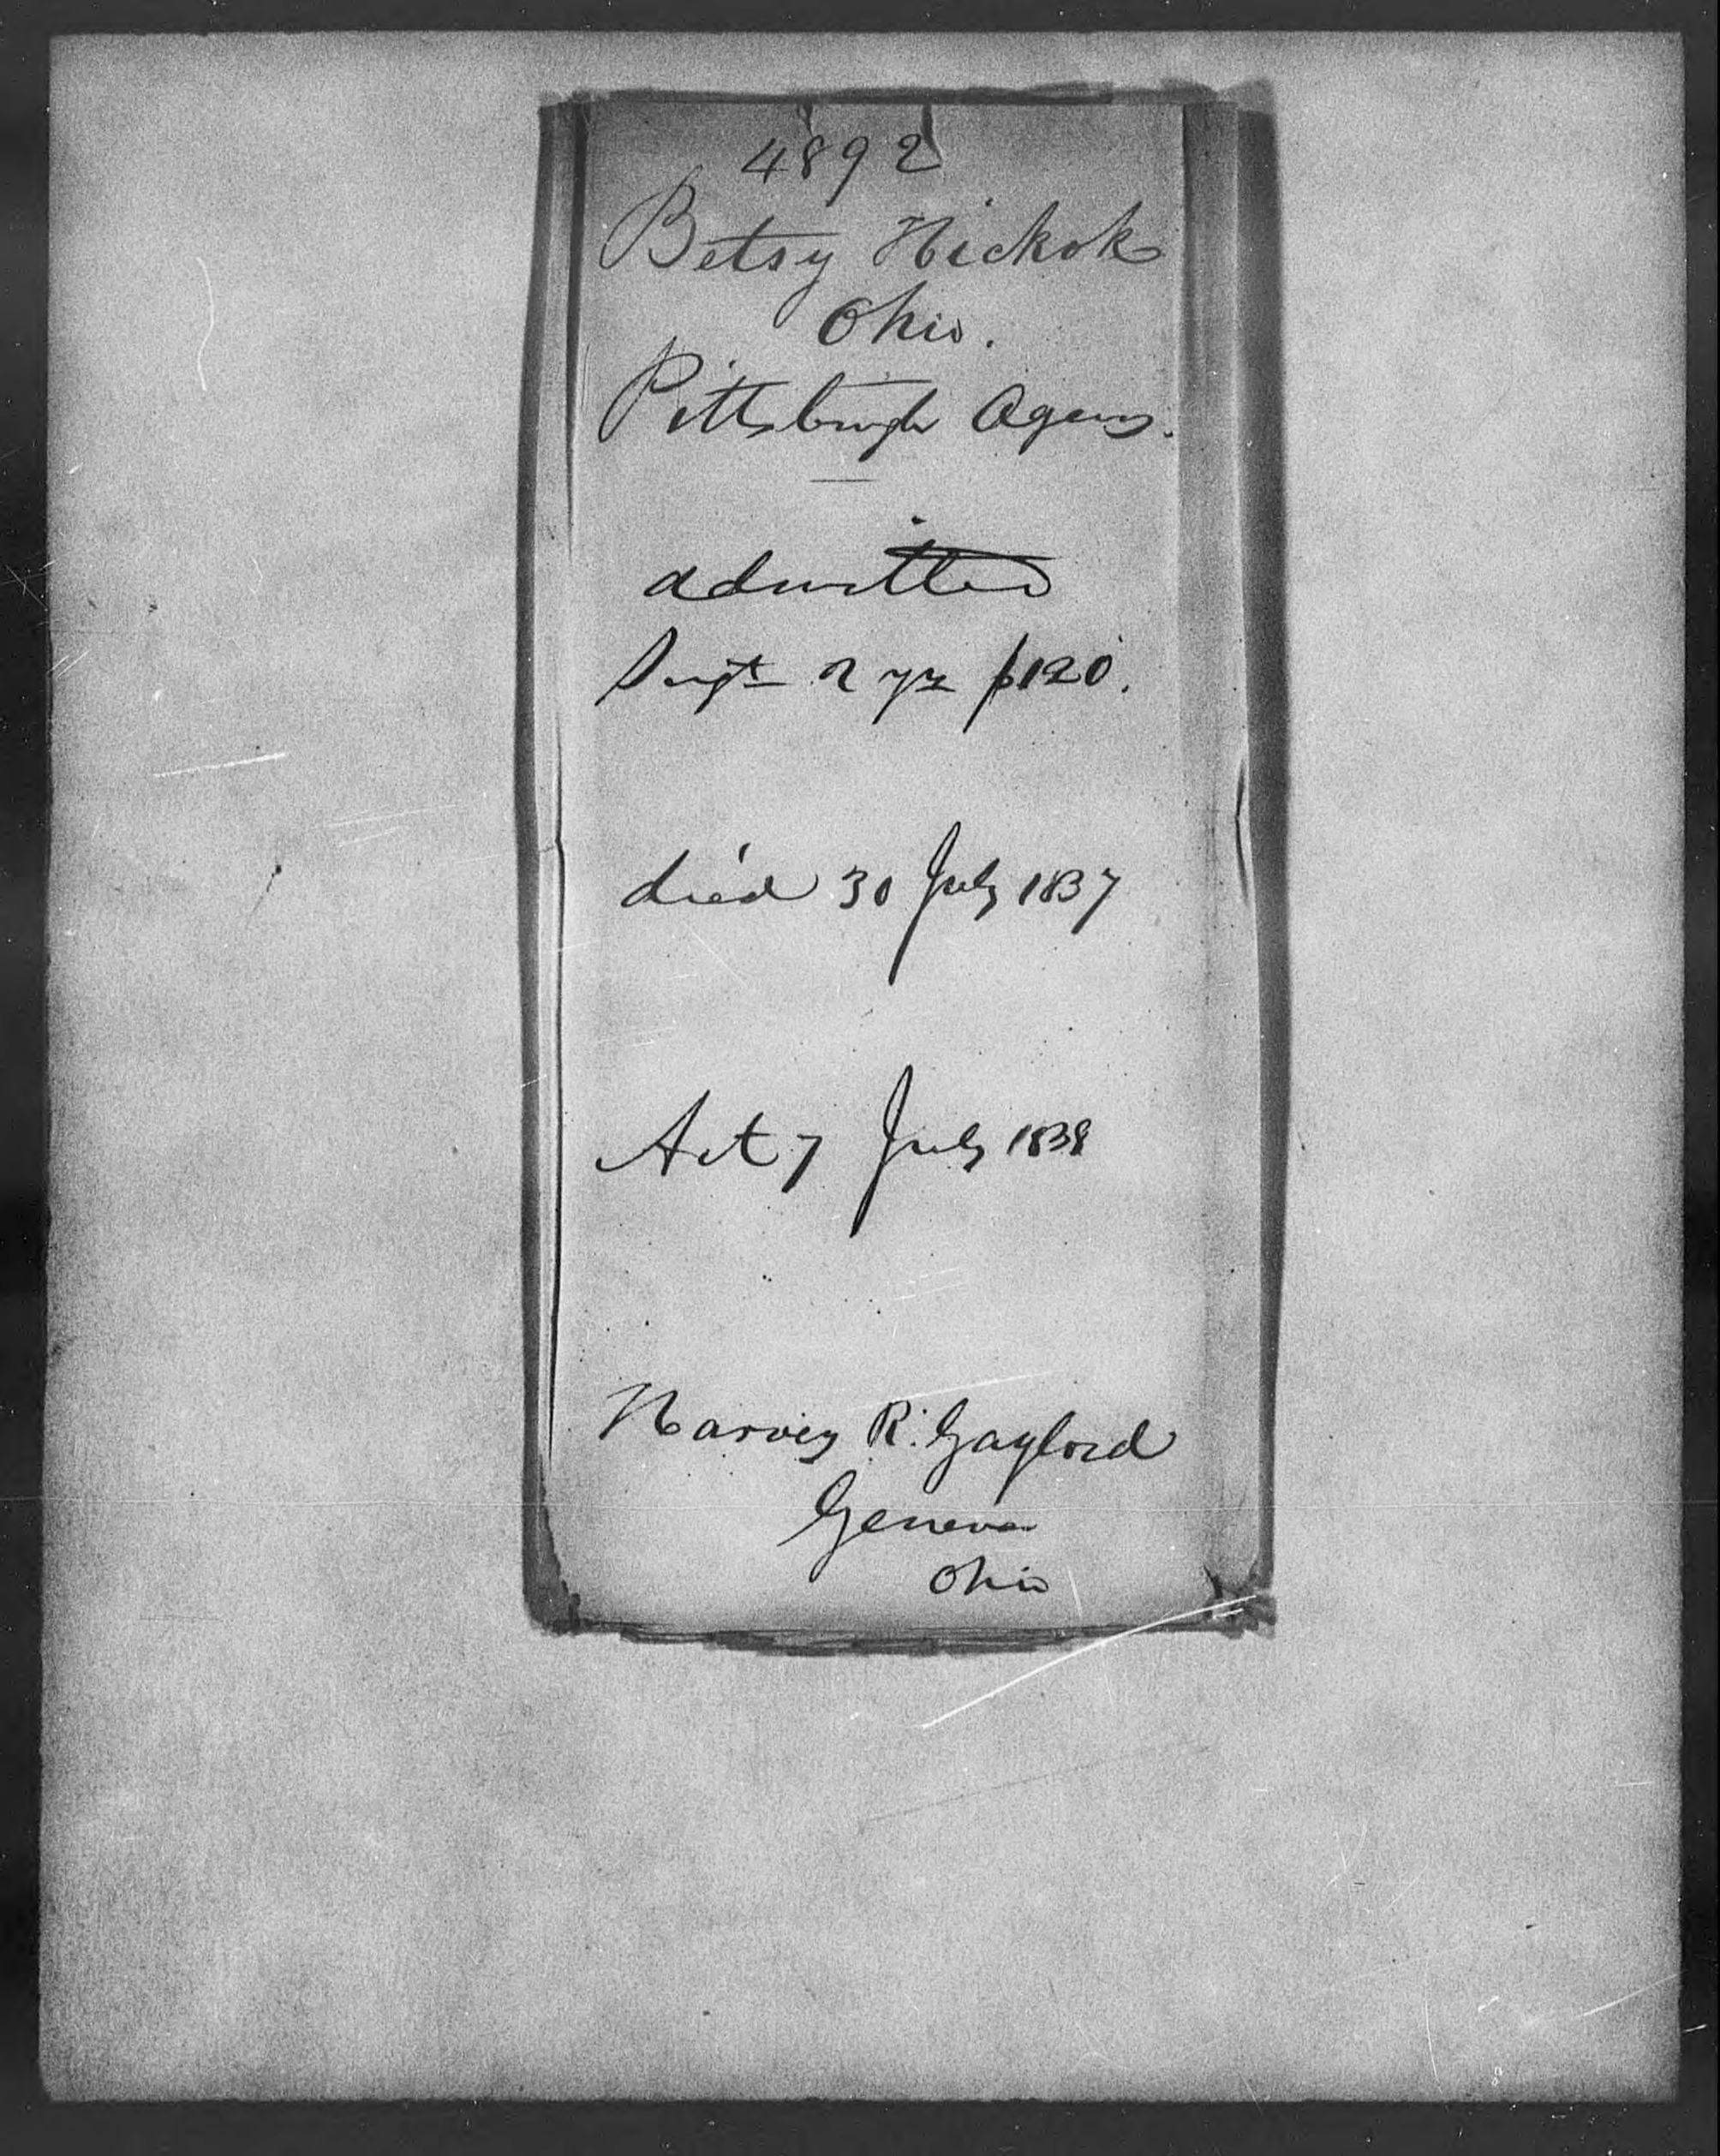4892
Betsy Hickok
Ohio
Pittsburgh Agnes
admitted 
[illegible] $120
died 30 July 1837
Act 7 July 1838
Harvey R. Gaylord
Geneva
Ohio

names: Betsey Hickok, Harvey R Gaylord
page: 23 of 45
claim: widow's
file: W. 4988, Durlin Hickok, Mass.